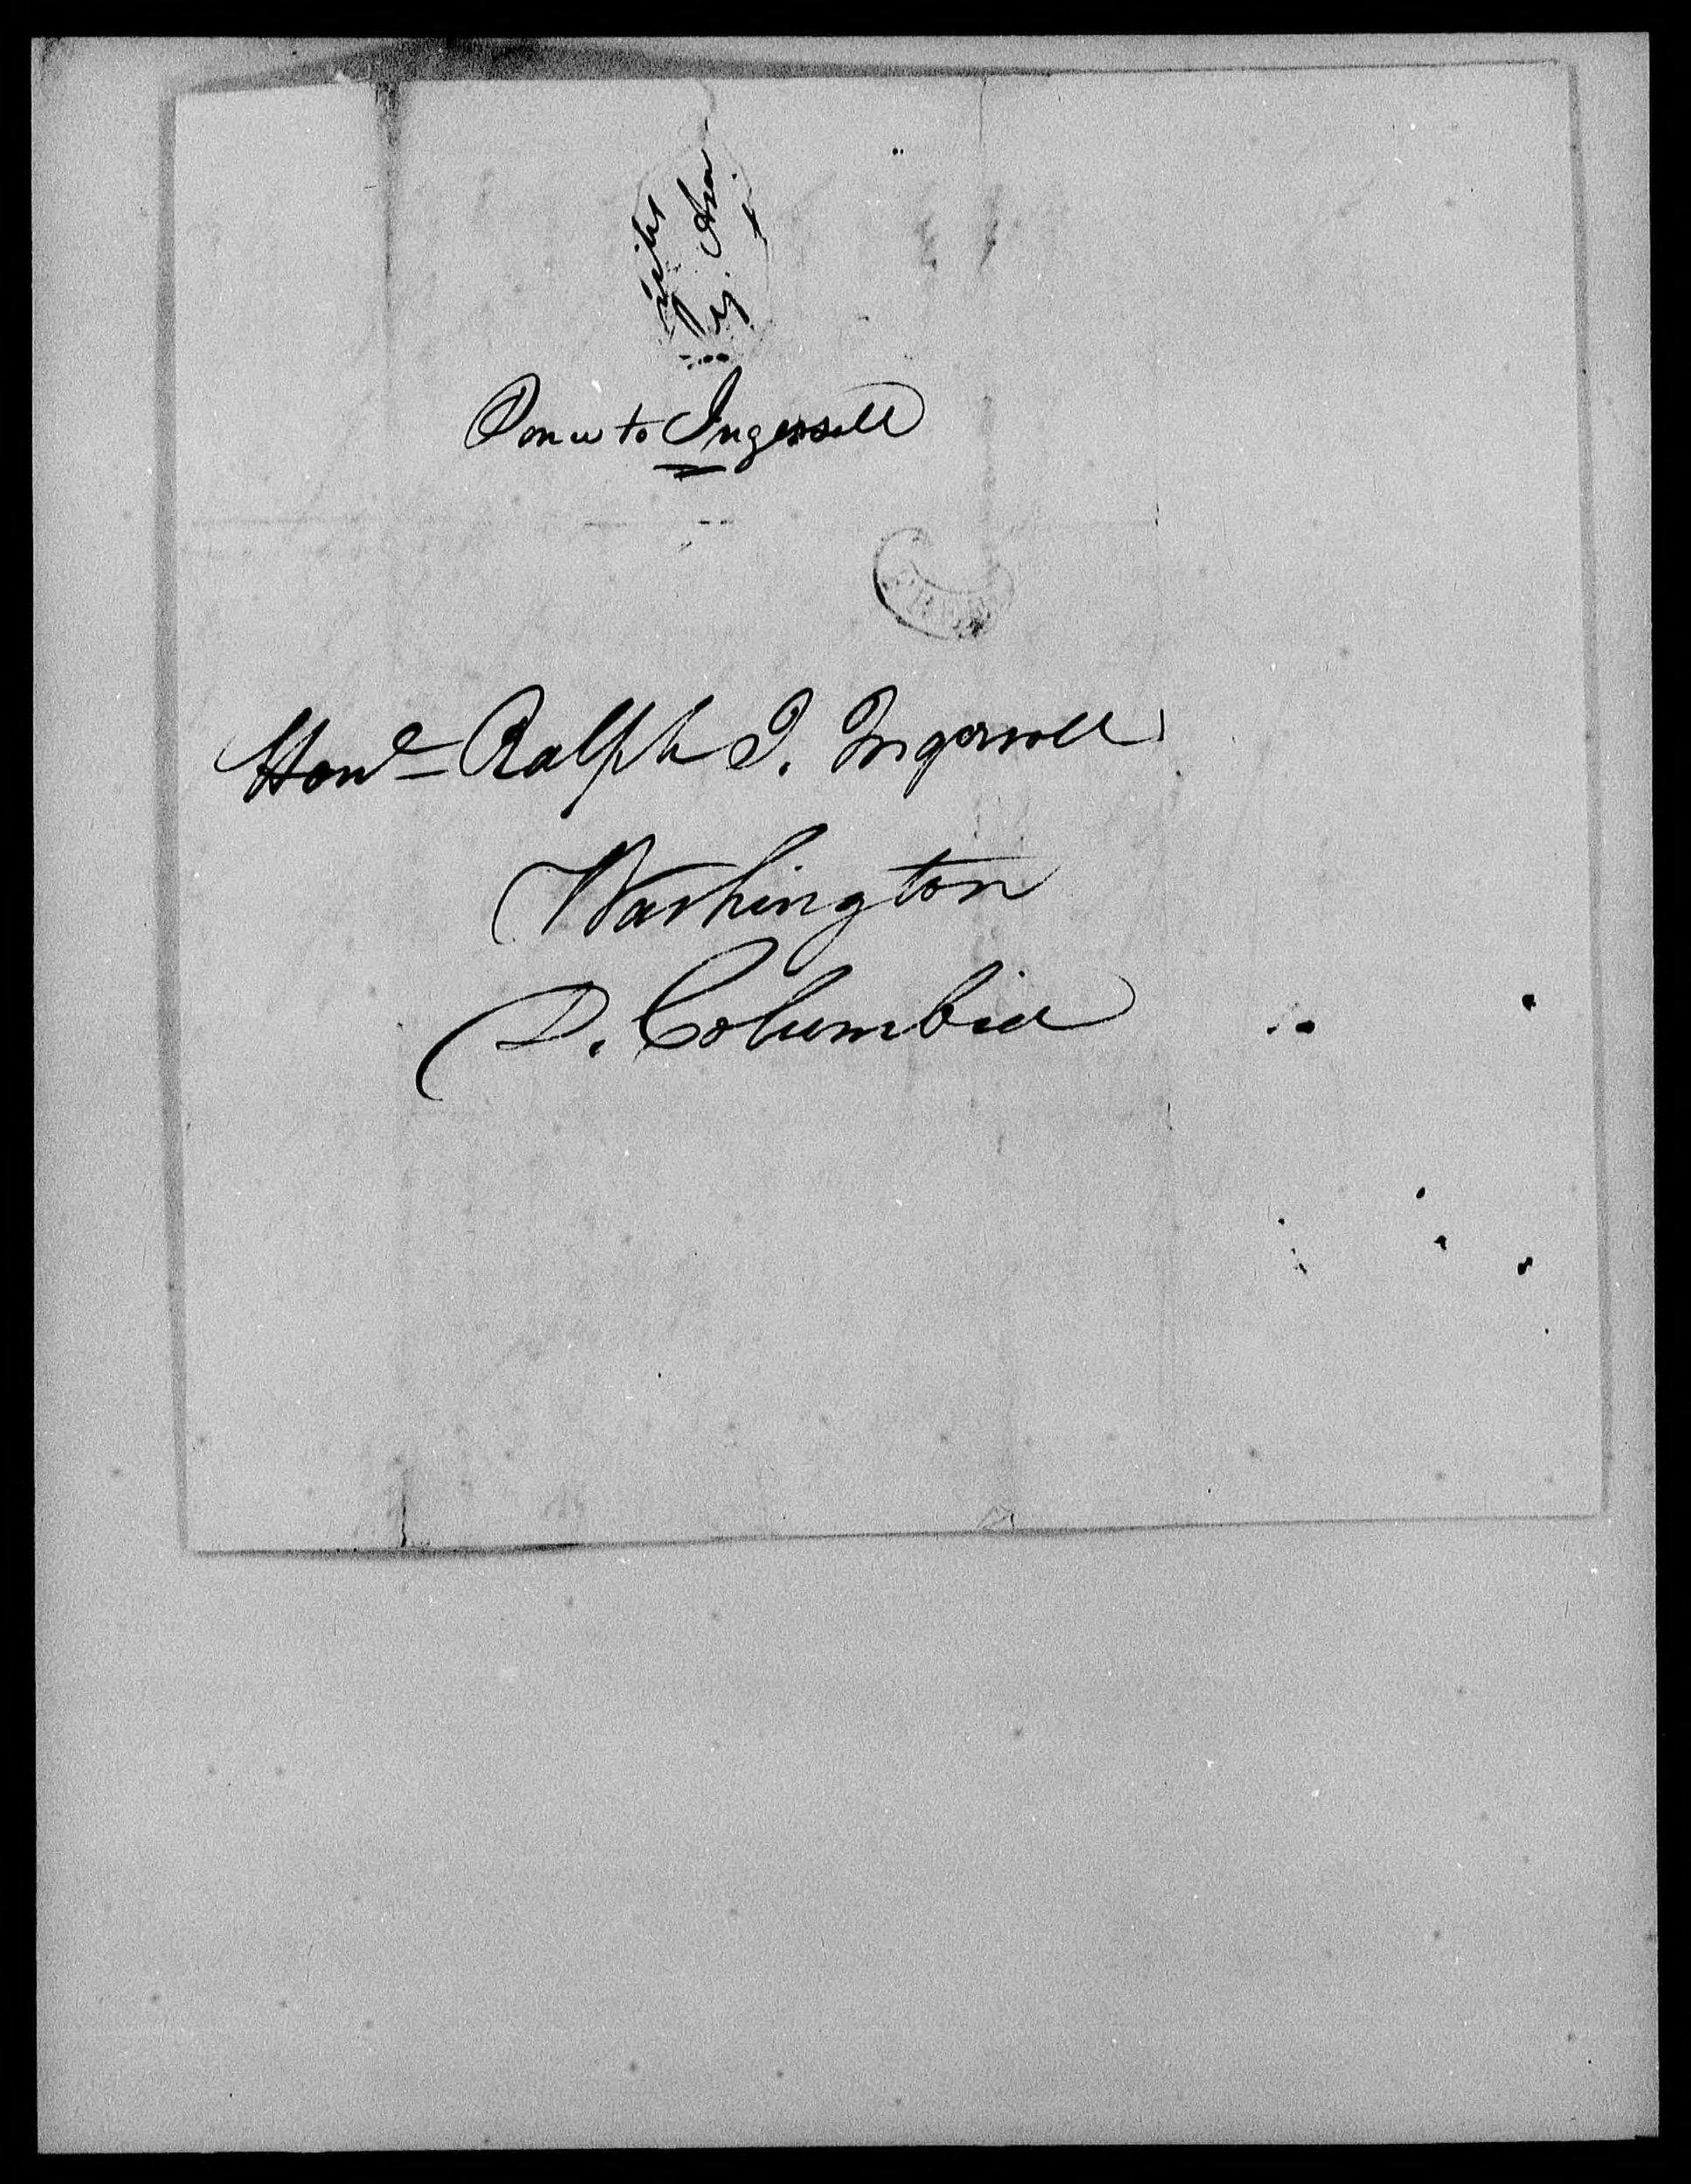P on to Ingersoll

Hon'l Ralph I. Ingersoll
Washington
D. Columbia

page: 15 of 42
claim: survivor's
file: S. 36,819, for Samuel Stow, Connecticut